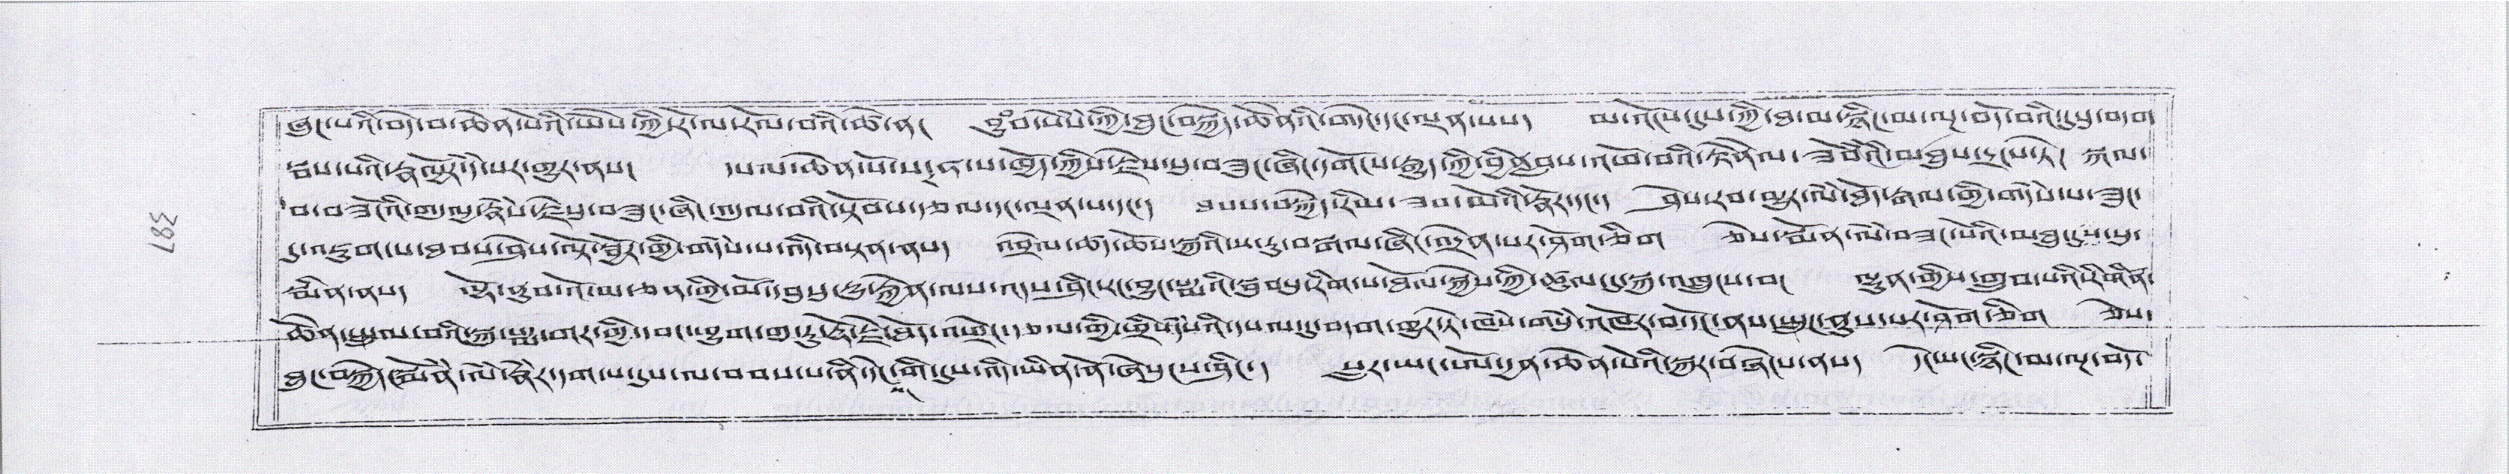ཞུགས་པའི་བདེ་བ་ཆེན་པོའི་ཡེ་ཤེས་ཀྱི་རོ་ལ་རོལ་པའི་ཚེ་ན། བྱང་ཆུབ་སེམས་ཀྱི་ཐུགས་བསྐྱེད་ཆེན་པོའི་གདེང་དང་ལྡན་པས། མ་འོངས་དུས་ཀྱི་ཐ་མ་སྙིགས་མ་ལྔ་བདོ་བའི་དུས་སུ་བདག་
སྦས་པའི་རྣལ་འབྱོར་དམ་པར་གྱུར་ནས། དཔལ་ཆེན་པོ་ས་ར་ཧ་པ་ཁྱོད་ཀྱི་རྗེས་སུ་བཟུང་ཞིང་དགོངས་རྒྱུད་ཀྱི་བྱིན་རླབས་འཕོ་བའི་རྟེན་འབྲེལ་ཟབ་མོའི་མཐུས་དྲངས་ཏེ། སྐལ་
པ་བཟང་པོའི་གདུལ་བྱ་རྣམས་རྗེས་སུ་བཟུང་ཞིང་འདུལ་བའི་སྟོབས་རྩལ་དང་ལྡན་པ་དང་། ཐབས་བསྐྱེད་རིམ་ཟབ་མོའི་རྣལ་འབྱོར་དང་། ཤེས་རབ་མྱུར་ལམ་ཐོད་རྒལ་གྱི་གདམས་པ། ཟུང་
དུ་འཇུག་པ་ཐབས་ཤེས་ལྟོ་སྦྱོར་གྱི་གདམས་པ་འདི་བསྟན་ནས། འབྲེལ་ཚད་ཆོས་སྐུའི་ས་རུ་བརྒལ་ཞིང་འདྲེན་པར་ཤོག་ཅིག ཅེས་སྨོན་ལམ་བཟང་པོའི་མཐུ་དུས་སུ་
སྨིན་ནས། ལྷོ་ནུབ་འོ་མ་ཅན་གྱི་མཚོ་དབུས་སུ་རྒྱུ་རྐྱེན་ལས་འདས་ཤིང་རང་བྱུང་པད་མའི་སྦུབས་སུ་རིག་པ་ཐོལ་སྐྱེས་ཀྱི་ཚུལ་དུ་སྐུ་འཁྲུངས་པ། ལྷུན་གྱིས་གྲུབ་པའི་རིག་འཛིན་
ཆེན་པོ་སྤྲུལ་པའི་སྐུ་པདྨ་གར་གྱི་དབང་ཕྱུག་རིག་འཛིན་རྡོ་རྗེ་ཐོད་ཕྲེང་རྩལ་གྱི་ཕྲིན་ལས་དམ་པའི་དཔལ་དུ་བདག་གྱུར་ཏེ་ཁམས་གསུམ་འཁོར་བ་དོང་ནས་སྤྲུགས་ནུས་པར་ཤོག་ཅིག ཅེས་
ཐུགས་བསྐྱེད་སྨོན་ལམ་རྣམ་པར་དག་པ་དུས་ལ་བབས་པ་ནི་དེང་སང་གི་དུས་འདི་ཡིན་ནོ་ཞེས་གསུངས་ཤིང་། སླར་ཡང་ཨོ་རྒྱན་ཆེན་པོའི་སྐུར་བཞེངས་ནས་དེང་སང་སྙིགས་མ་ལྔ་བདོ་